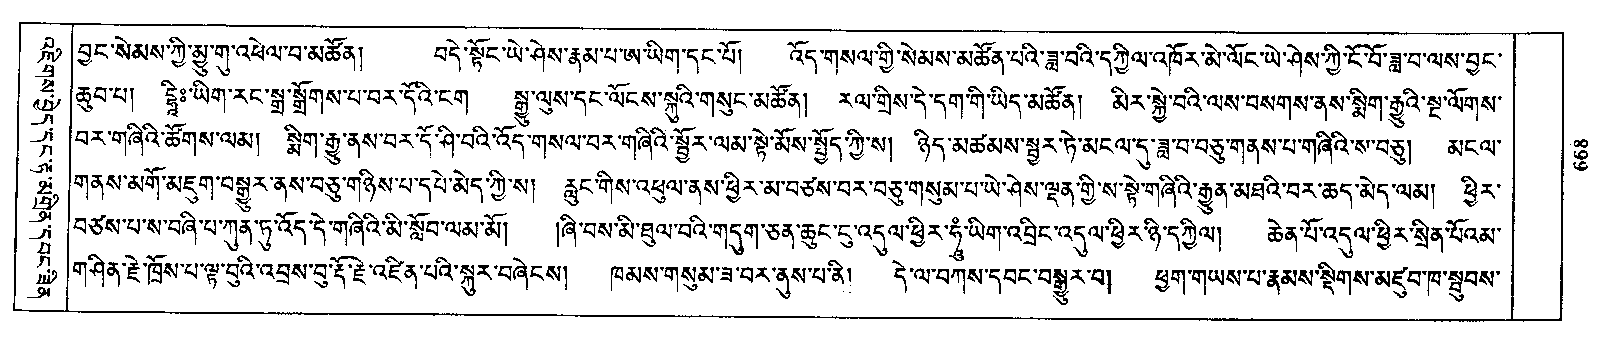བྱང་སེམས་ཀྱི་མྱུ་གུ་འཕེལ་བ་མཚོན། བདེ་སྟོང་ཡེ་ཤེས་རྣམ་པ་ཨ་ཡིག་དང་པོ། འོད་གསལ་གྱི་སེམས་མཚོན་པའི་ཟླ་བའི་དཀྱིལ་འཁོར་མེ་ལོང་ཡེ་ཤེས་ཀྱི་ངོ་བོ་ཟླ་བ་ལས་བྱང་
ཆུབ་པ། དྷཱིཿ ཡིག་རང་སྒྲ་སྒྲོགས་པ་བར་དོའི་ངག་སྒྱུ་ལུས་དང་ལོངས་སྐུའི་གསུང་མཚོན། རལ་གྲིས་དེ་དག་གི་ཡིད་མཚོན། མིར་སྐྱེ་བའི་ལས་བསགས་ནས་སྨིག་རྒྱུའི་སྔ་ལོགས་
བར་གཞིའི་ཚོགས་ལམ། སྨིག་རྒྱུ་ནས་བར་དོ་ཤི་བའི་འོད་གསལ་བར་གཞིའི་སྦྱོར་ལམ་སྟེ་མོས་སྤྱོད་ཀྱིས། ཉིད་མཚམས་སྦྱར་ཏེ་མངལ་དུ་ཟླ་བ་བཅུ་གནས་པ་གཞིའི་ས་བཅུ། མངལ་
གནས་མགོ་མཇུག་བསྒྱུར་ནས་བཅུ་གཉིས་པ་དཔེ་མེད་ཀྱི་ས། རླུང་གིས་འཕུལ་ནས་ཕྱིར་མ་བཙས་བར་བཅུ་གསུམ་པ་ཡེ་ཤེས་ལྡན་གྱི་ས་སྟེ་གཞིའི་རྒྱུན་མཐའི་བར་ཆད་མེད་ལམ། ཕྱིར་
བཙས་པ་ས་བཞི་པ་ཀུན་ཏུ་འོད་དེ་གཞིའི་མི་སློབ་ལམ་མོ། །ཞི་བས་མི་ཐུལ་བའི་གདུག་ཅན་ཆུང་ངུ་འདུལ་ཕྱིར་ཧཱུཾ་ཡིག་འབྲིང་འདུལ་ཕྱིར་ཉི་དཀྱིལ། ཆེན་པོ་འདུལ་ཕྱིར་སྲིན་པོའམ་
གཤིན་རྗེ་ཁྲོས་པ་ལྟ་བུའི་འབྲས་བུ་རྡོ་རྗེ་འཛིན་པའི་སྐུར་བཞེངས། ཁམས་གསུམ་ཟ་བར་ནུས་པ་ནི། དེ་ལ་བཀས་དབང་བསྒྱུར་བ། ཕྱག་གཡས་པ་རྣམས་སྡིགས་མཛུབ་ཁ་སྦུབས་